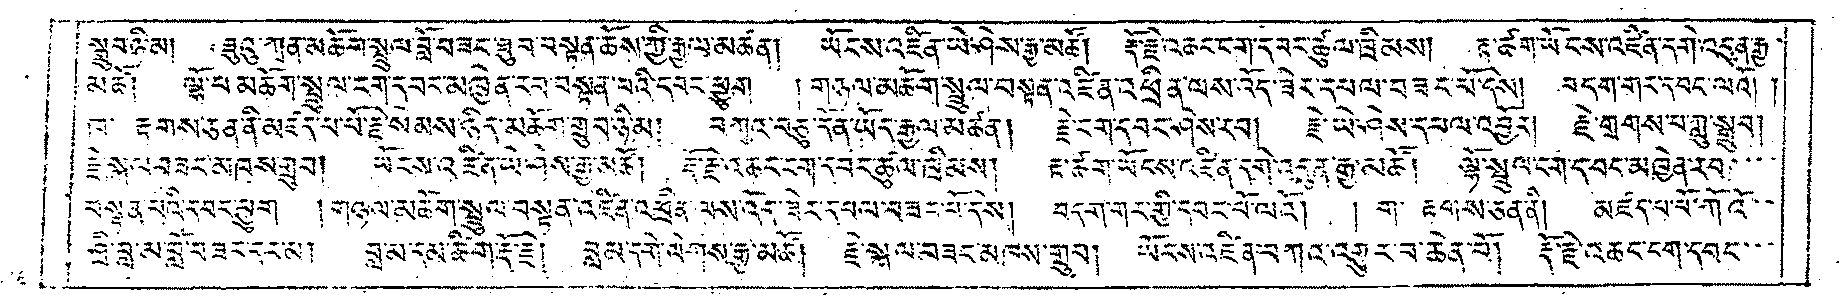སྒྲུབ་ཉི་མ། ཐུའུ་ཀྭན་མཆོག་སྤྲུལ་བློ་བཟང་ཐུབ་བསྟན་ཆོས་ཀྱི་རྒྱལ་མཚན། ཡོངས་འཛིན་ཡེ་ཤེས་རྒྱ་མཚོ། རྡོ་རྗེ་འཆང་ངག་དབང་ཚུལ་ཁྲིམས། རྟ་ཚག་ཡོངས་འཛིན་དགེ་འདུན་རྒྱ་
མཚོ། ལྷོ་པ་མཆོག་སྤྲུལ་ངག་དབང་མཁྱེན་རབ་བསྟན་པའི་དབང་ཕྱུག །གཉལ་མཆོག་སྤྲུལ་བསྟན་འཛིན་འཕྲིན་ལས་འོད་ཟེར་དཔལ་བཟང་པོ་དེས། བདག་གར་དབང་ལའོ། །
ཁ་རྟགས་ཅན་ནི་མཛད་པ་པོ་རྗེ་སེམས་ཉིད་མཆོག་གྲུབ་ཉི་མ། བཀའ་བཅུ་དོན་ཡོད་རྒྱལ་མཚན། རྗེ་ངག་དབང་ཤེས་རབ། རྗེ་ཡེ་ཤེས་དཔལ་འབྱོར། རྗེ་གྲགས་པ་ཀླུ་སྒྲུབ།
རྗེ་སྐལ་བཟང་མཁས་གྲུབ། ཡོངས་འཛིན་ཡེ་ཤེས་རྒྱ་མཚོ། རྡོ་རྗེ་འཆང་ངག་དབང་ཚུལ་ཁྲིམས། རྟ་ཚག་ཡོངས་འཛིན་དགེ་འདུན་རྒྱ་མཚོ། ལྷོ་སྤྲུལ་ངག་དབང་མཁྱེན་རབ་
བསྟན་པའི་དབང་ཕྱུག །གཉལ་མཆོག་སྤྲུལ་བསྟན་འཛིན་འཕྲིན་ལས་འོད་ཟེར་དཔལ་བཟང་པོ་དེས། བདག་གར་གྱི་དབང་པོ་ལའོ། །ག་རྟགས་ཅན་ནི། མཛད་པ་པོ་ཀོའོ་
ཤྲི་བླ་མ་བློ་བཟང་དར་མ། བླ་མ་དམ་ཚིག་རྡོ་རྗེ། བླ་མ་དགེ་ལེགས་རྒྱ་མཚོ། རྗེ་སྐལ་བཟང་མཁས་གྲུབ། ཡོངས་འཛིན་བཀའ་འགྱུར་བ་ཆེན་པོ། རྡོ་རྗེ་འཆང་ངག་དབང་